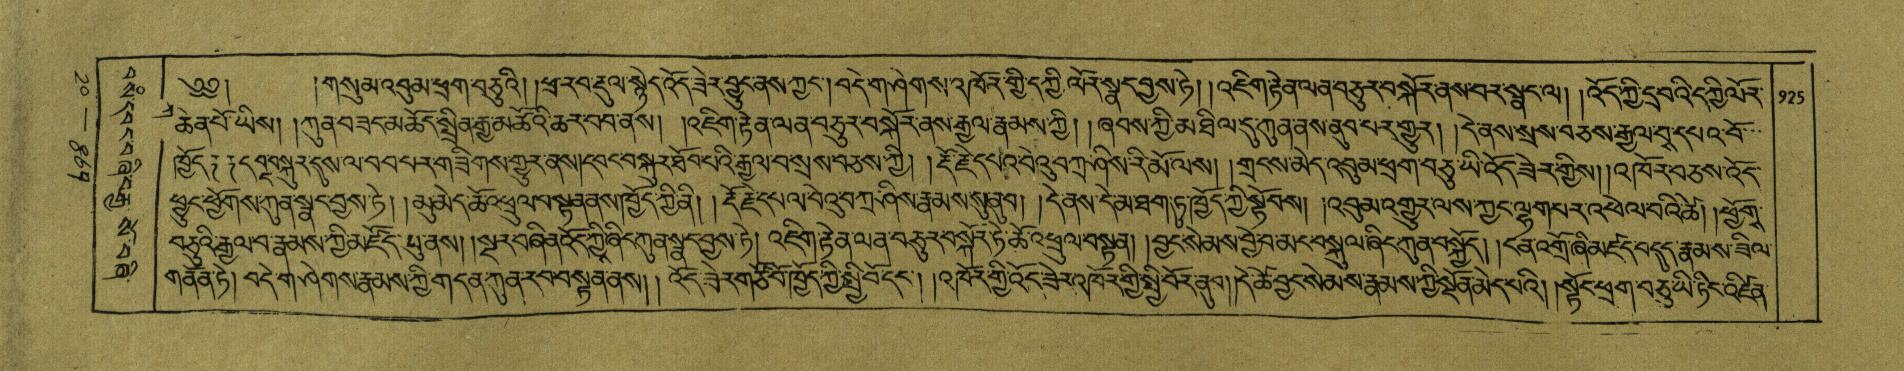༄༅། །གསུམ་འབུམ་ཕྲག་བཅུའི། །ཕྲ་རབ་རྡུལ་སྙེད་འོད་ཟེར་བྱུང་ནས་ཀྱང་།བདེ་གཤེགས་འཁོར་གྱི་དཀྱིལོར་སྣང་བྱས་ཏེ། །འཇིག་རྟེན་ལན་བཅུར་བསྐོར་ནས་བར་སྣང་ལ། །འོད་ཀྱི་དྲ་བའི་དཀྱིལོར་
ཆེན་པོ་ཡིས། །ཀུན་བཟང་མཆོད་སྤྲིན་རྒྱ་མཚོའི་ཆར་བབ་ནས། །འཇིག་རྟེན་ལན་བཅུར་བསྐོར་ནས་རྒྱལ་རྣམས་ཀྱི། །ཞབས་ཀྱི་མཐིལ་དུ་ཀུན་ནས་ནུབ་པར་གྱུར། །དེ་ནས་སྲས་བཅས་རྒྱལ་བས་དཔའ་བོ་
ཁྱོད༑ ༑དབང་བསྐུར་དུས་ལ་བབ་པར་གཟིགས་གྱུར་ནས། དབང་བསྐུར་ཐོབ་པའི་རྒྱལ་བ་སྲས་བཅས་ཀྱི། །རྡོ་རྗེ་དཔའ་བེའུ་བཀྲ་ཤིས་རི་མོ་ལས། །གྲངས་མེད་འབུམ་ཕྲག་བཅུ་ཡི་འོད་ཟེར་གྱིས། །འཁོར་བཅས་འོད་
ཕྱུང་ཕྱོགས་ཀུན་སྣང་བྱས་ཏེ། །མུ་མེད་ཆོ་འཕྲུལ་བསྟན་ནས་ཁྱོད་ཀྱི་ནི། །རྡོ་རྗེ་དཔལ་བེའུ་བཀྲ་ཤིས་རྣམས་སུ་ནུབ། །དེ་ནས་དེ་མ་ཐག་ཏུ་ཁྱོད་ཀྱི་སྟོབས། །འབུམ་འགྱུར་ལས་ཀྱང་ལྷག་པར་འཕེལ་བའི་ཚེ། །ཕྱོགས་
བཅུའི་རྒྱལ་བ་རྣམས་ཀྱི་མཛོད་པུ་ནས། །སྔར་བཞིན་འོད་ཀྱིས་ཞིང་ཀུན་སྣང་བྱས་ཏེ། འཇིག་རྟེན་ལན་བཅུར་བསྐོར་ཏེ་ཆོ་འཕྲུལ་བསྟན། །བྱང་སེམས་བྱེ་བ་མང་བསྐུལ་ཞིང་ཀུན་བསྐྱོད། །ངན་འགྲོ་ཞི་མཛད་བདུད་རྣམས་ཟིལ་
གནོན་ཏེ། བདེ་གཤེགས་རྣམས་ཀྱི་གདན་ཀུན་རབ་བསྟན་ནས། ། འོད་ཟེར་གཙོ་བོ་ཁྱོད་ཀྱི་སྤྱི་བོ་དང་། །འཁོར་གྱི་འོད་ཟེར་འཁོར་གྱི་སྤྱི་བོར་ནུབ། །དེ་ཚེ་བྱང་སེམས་རྣམས་ཀྱི་སྔོན་མེད་པའི། །སྟོང་ཕྲག་བཅུ་ཡི་ཏིང་འཛིན་